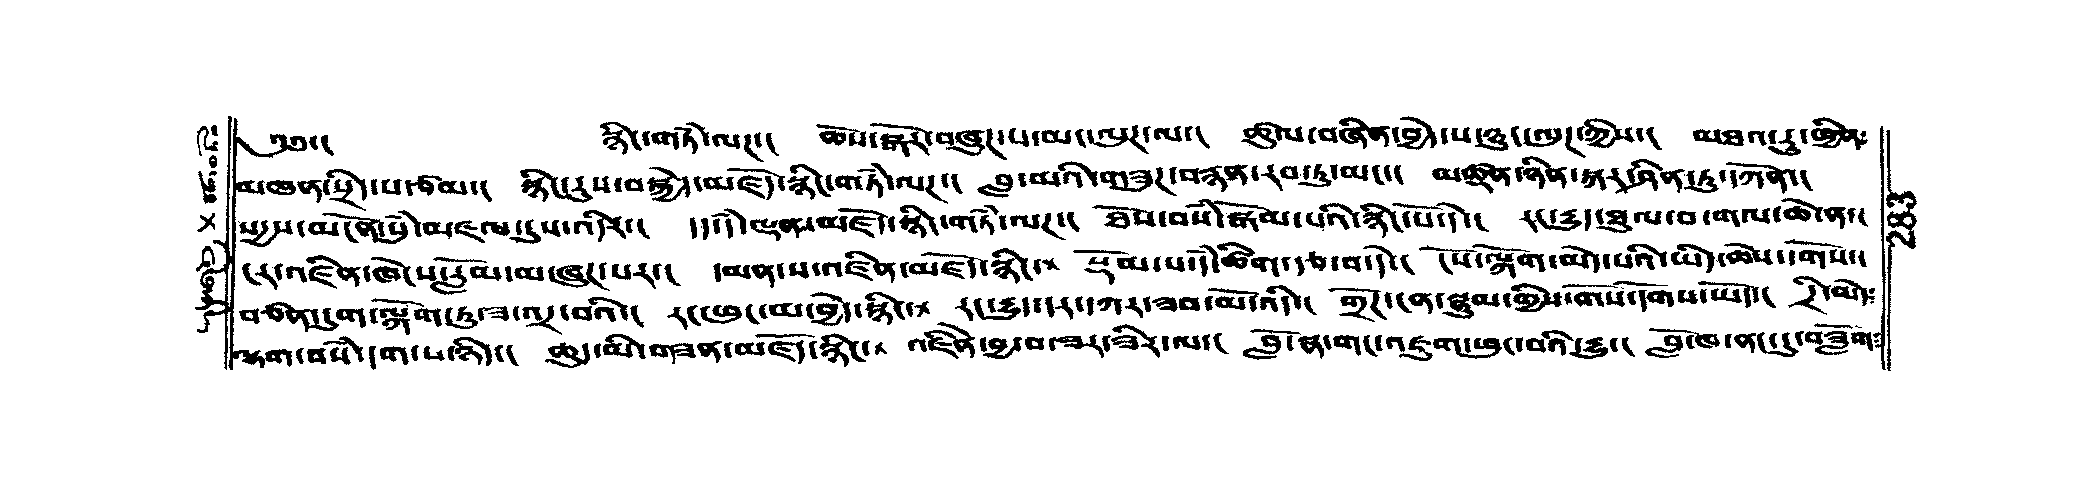སྙིང་གཏམ་ལགས། །ཆོས་སྒོར་ཞུགས་པ་མང་ལུགས་ལ། །ཚུལ་བཞིན་བྱེད་པ་ཉུང་ལགས་ཀྱིས། །མཐའ་རུ་ཕྱིན་
མཁན་སྲིད་པ་ཙམ། །སྙིང་རུས་བསྐྱེད་མཛོད་སྙིང་གཏམ་ལགས། །བླ་མའི་གཟུགས་བརྙན་རབ་ཏུ་མང་། །མཚན་ལྡན་ཉིན་སྐར་ཤིན་ཏུ་དཀོན། །
སངས་རྒྱས་མངོན་སུམ་མཇལ་དུས་འདིར། །དད་དམ་ལྡན་མཛོད་སྙིང་གཏམ་ལགས། །ཐོས་བསམ་སྒོམ་པའི་སྙིང་པོ་དེ། །རང་རྒྱུད་ཐུལ་བ་གལ་ཆེ་ན། །
ངར་འཛིན་ཁེངས་རློམ་མ་ཞུགས་པར། །དམན་ས་འཛིན་མཛོད་སྙིང་གཏམ་ཡིན། །སྡོམ་པ་དམ་ཚིག་རྩ་བ་དེ། །ངོས་ལྐོག་མེད་པའི་ཡིད་ཆེས་དགོས། །
བཙན་དུག་ལྐོག་ཏུ་ཟ་འདྲ་བའི། །རང་ཕུང་མ་བྱེད་སྙིང་གཏམ་ཡིན། །རང་རྒྱུད་དར་དཀར་ཟབ་མོ་འདི། །གྲོགས་ངན་སྣུམ་གྱིས་གོས་དོགས་ཡོད། །དྲི་མེད་
ལྷག་བསམ་དག་པ་ཉིད། །ཆུད་མི་གཟན་མཛོད་སྙིང་གཏམ་ཡིན། །འཇིག་རྟེན་བྱ་བ་ཟར་ཟིར་ལ། །བློ་སྣ་གང་འཇུག་ཕུང་བའི་རྒྱུ། །བློ་ཁ་ནང་དུ་བཟློག་